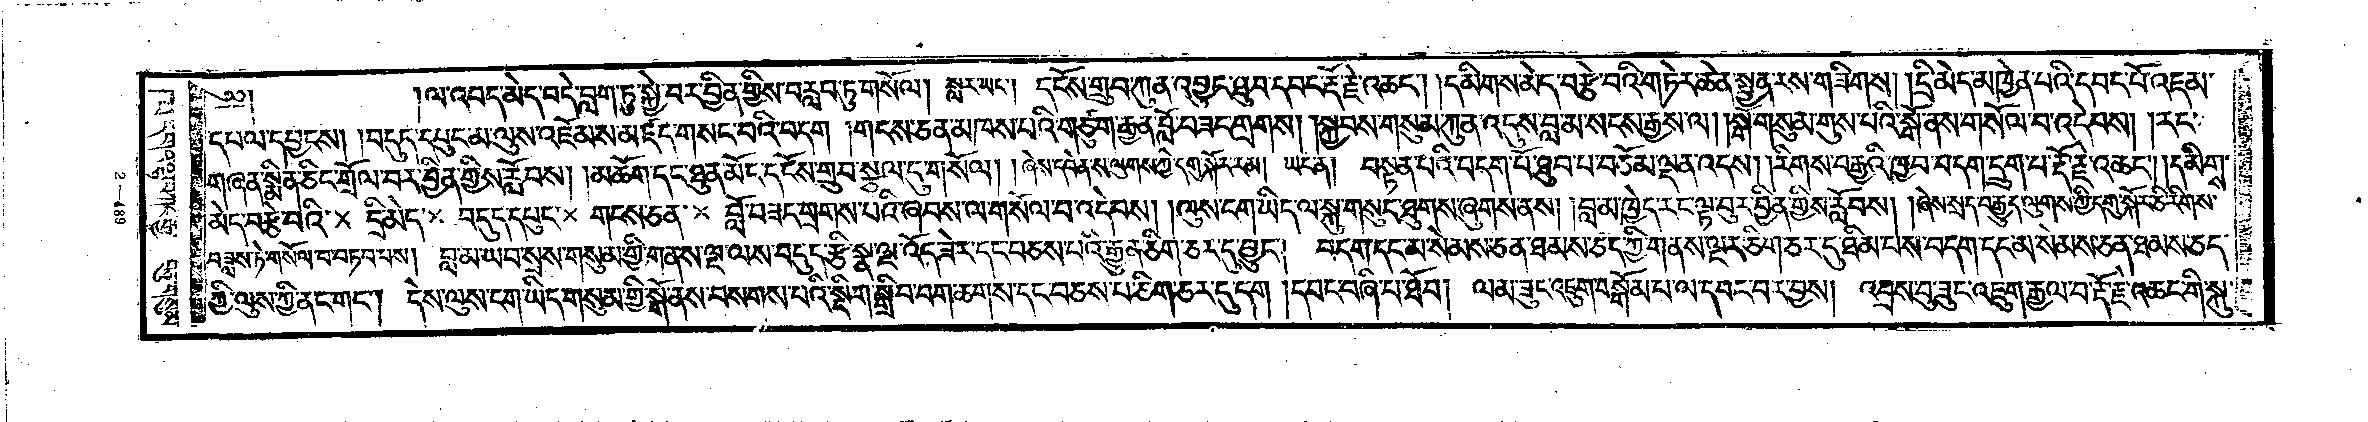༄༅། །ལ་འབད་མེད་བདེ་བླག་ཏུ་སྐྱེ་བར་བྱིན་གྱིས་བརླབ་ཏུ་གསོལ། སླར་ཡང་།  དངོས་གྲུབ་ཀུན་འབྱུང་ཐུབ་དབང་རྡོ་རྗེ་འཆང་། །དམིགས་མེད་བརྩེ་བའི་གཏེར་ཆེན་སྤྱན་རས་གཟིགས། །དྲི་མེད་མཁྱེན་པའི་དབང་པོ་འཇམ་
དཔལ་དབྱངས། །བདུད་དཔུང་མ་ལུས་འཇོམས་མཛད་གསང་བའི་བདག །གངས་ཅན་མཁས་པའི་གཙུག་རྒྱན་བློ་བཟང་གྲགས། །སྐྱབས་གསུམ་ཀུན་འདུས་བླ་མ་སངས་རྒྱས་ལ། །སྒོ་གསུམ་གུས་པའི་སྒོ་ནས་གསོལ་བ་འདེབས། །རང་
གཞན་སྨིན་ཅིང་གྲོལ་བར་བྱིན་གྱིས་རློབས། །མཆོག་དང་ཐུན་མོང་དངོས་གྲུབ་སྩལ་དུ་གསོལ། །ཞེས་དབེན་ས་ལུགས་ཀྱི་དགུ་སྐོར་རམ། །ཡང་ན།  བསྟན་པའི་བདག་པོ་ཐུབ་པ་བཅོམ་ལྡན་འདས། །རིགས་བརྒྱའི་ཁྱབ་བདག་དྲུག་པ་རྡོ་རྗེ་འཆང་། །དམིགས་
མེད་བརྩེ་བའི་྾་དྲི་མེད་྾་བདུད་དཔུང་྾་གངས་ཅན་྾་བློ་བཟང་གྲགས་པའི་ཞབས་ལ་གསོལ་བ་འདེབས། །ལུས་ངག་ཡིད་ལ་སྐུ་གསུང་ཐུགས་ཞུགས་ནས། །བླ་མ་ཁྱེད་རང་ལྟ་བུར་བྱིན་གྱིས་རློབས། །ཞེས་སྲད་བརྒྱུད་ལུགས་ཀྱི་དགུ་སྐོར་ཅི་རིགས་
བཟླས་ཏེ་གསོལ་བ་བཏབ་པས། བླ་མ་ཡབ་སྲས་གསུམ་གྱི་གནས་ལྔ་ལས་བདུད་རྩི་སྣ་ལྔ་འོད་ཟེར་དང་ཅས་པའི་རྒྱུན་ཅིག་ཅར་དུ་བྱུང་། བདག་དང་མ་སེམས་ཅན་ཐམས་ཅད་ཀྱི་གནས་ལྔར་ཅིག་ཅར་དུ་ཐིམ་པས་བདག་དང་མ་སེམས་ཅན་ཐམས་ཅད་
ཀྱི་ལུས་ཀྱི་ནང་གང་། དེ་ལུས་ངག་ཡིད་གསུམ་གྱི་སྒོ་ནས་བསགས་པའི་སྡིག་སྒྲིབ་བདག་ཆགས་དང་བཅས་པ་ཡིག་ཅར་དུ་དག །དབང་བཞི་པ་ཐོབ། །ལམ་ཟུང་འཇུག་བསྒོམ་པ་ལ་དབང་པར་བྱས། འབྲས་བུ་ཟུང་འཇུག་རྒྱལ་བ་རྡོ་རྗེ་འཆང་གི་སྐུ་